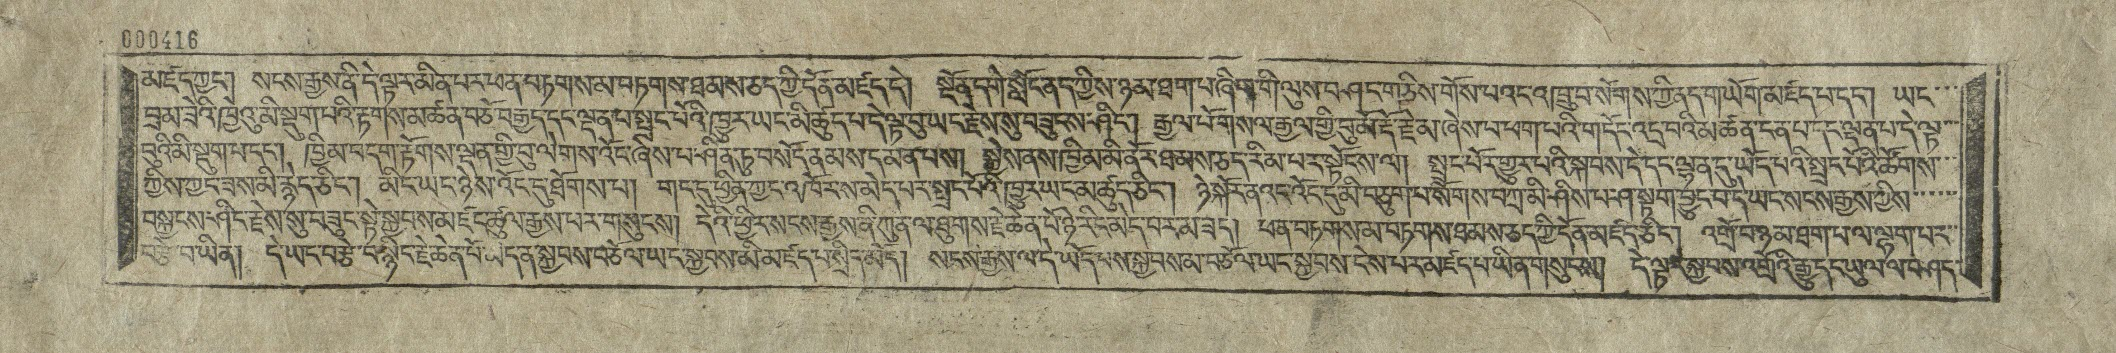མཛད་ཀྱང་། སངས་རྒྱས་ནི་དེ་ལྟར་མིན་པར་ཕན་བཏགས་མ་བཏགས་ཐམས་ཅད་ཀྱི་དོན་མཛད་དེ། སྔོན་དགེ་སློང་ནད་ཀྱིས་ཉམ་ཐག་པ་ཞིག་གི་ལུས་བཤང་གཅིས་གོས་པའང་འཁྲུ་བ་སོགས་ཀྱི་ནད་གཡོག་མཛད་པ་དང་། ཡང་
བྲམ་ཟེའི་ཁྱེའུ་མི་སྡུག་པའི་རྟགས་མཚན་བཅོ་བརྒྱད་དང་ལྡན་པ་སྤྲང་པོའི་ཁྱུར་ཡང་མི་ཚུད་པ་དེ་ལྟ་བུ་ཡང་རྗེས་སུ་བཟུངས་ཤིང་། རྒྱལ་པོ་གསལ་རྒྱལ་གྱི་བུ་མོ་རྡོ་རྗེ་མ་ཞེས་པ་ཕག་པའི་གདོང་འདྲ་བའི་མཚན་ངན་པ་དང་ལྡན་པ་དེ་ལྟ་
བུའི་མི་སྡུག་པ་དང་། ཁྱིམ་བདག་རྟོགས་ལྡན་གྱི་བུ་ལེགས་འོང་ཞེས་པ་ཤིན་ཏུ་བསོད་ནམས་དམན་པས། སྐྱེས་ནས་ཁྱིམ་མི་ནོར་ཐམས་ཅད་རིམ་པར་སྟོངས་ལ། སྤྲང་པོར་གྱུར་པའི་སྐབས་དེ་དང་ལྷན་དུ་ཡོད་པའི་སྤྲང་པོའི་ཚོགས་
ཀྱིས་ཀྱང་ཟས་མི་རྙེད་ཅིང་། མིང་ཡང་ཉེས་འོང་དུ་ཐོགས་པ། གང་དུ་ཕྱིན་ཀྱང་འཁོར་ས་མེད་པར་སྤྲང་པོའི་ཁྱུར་ཡང་མ་ཚུད་ཅིང་། ཉེ་སྐོར་ནའང་འོང་དུ་མི་བཅུག་པ་སོགས་བཀྲ་མི་ཤིས་པ་ཤ་སྟག་བྱུང་བ་དེ་ཡང་སངས་རྒྱས་ཀྱིས་
བསྐྱངས་ཤིང་རྗེས་སུ་བཟུང་སྟེ་སྐྱབས་མཛད་ཚུལ་རྒྱས་པར་གསུངས། དེའི་ཕྱིར་སངས་རྒྱས་ནི་ཀུན་ལ་ཐུགས་རྗེ་ཆེན་པོ་ཉེ་རིང་མེད་པར་མ་ཟད། ཕན་བཏགས་མ་བཏགས་ཐམས་ཅད་ཀྱི་དོན་མཛད་ཅིང་། འགྲོ་བ་ཉམ་ཐག་པ་ལ་ལྷག་པར་
བརྩེ་བ་ཡིན། དེ་ཡང་བརྩེ་བ་སྙིང་རྗེ་ཆེན་པོ་མེད་ན་སྐྱབས་བཅོལ་ཡང་སྐྱབས་མི་མཛད་པ་སྲིད་མོད། སངས་རྒྱས་ལ་དེ་ཡོད་པས་སྐྱབས་མ་བཅོལ་ཡང་སྐྱབས་ངེས་པར་མཛད་པ་ཡིན་གསུངས། དེ་ལྟར་སྐྱབས་འགྲོའི་རྒྱུ་དང་ཡུལ་ལ་བཤད་